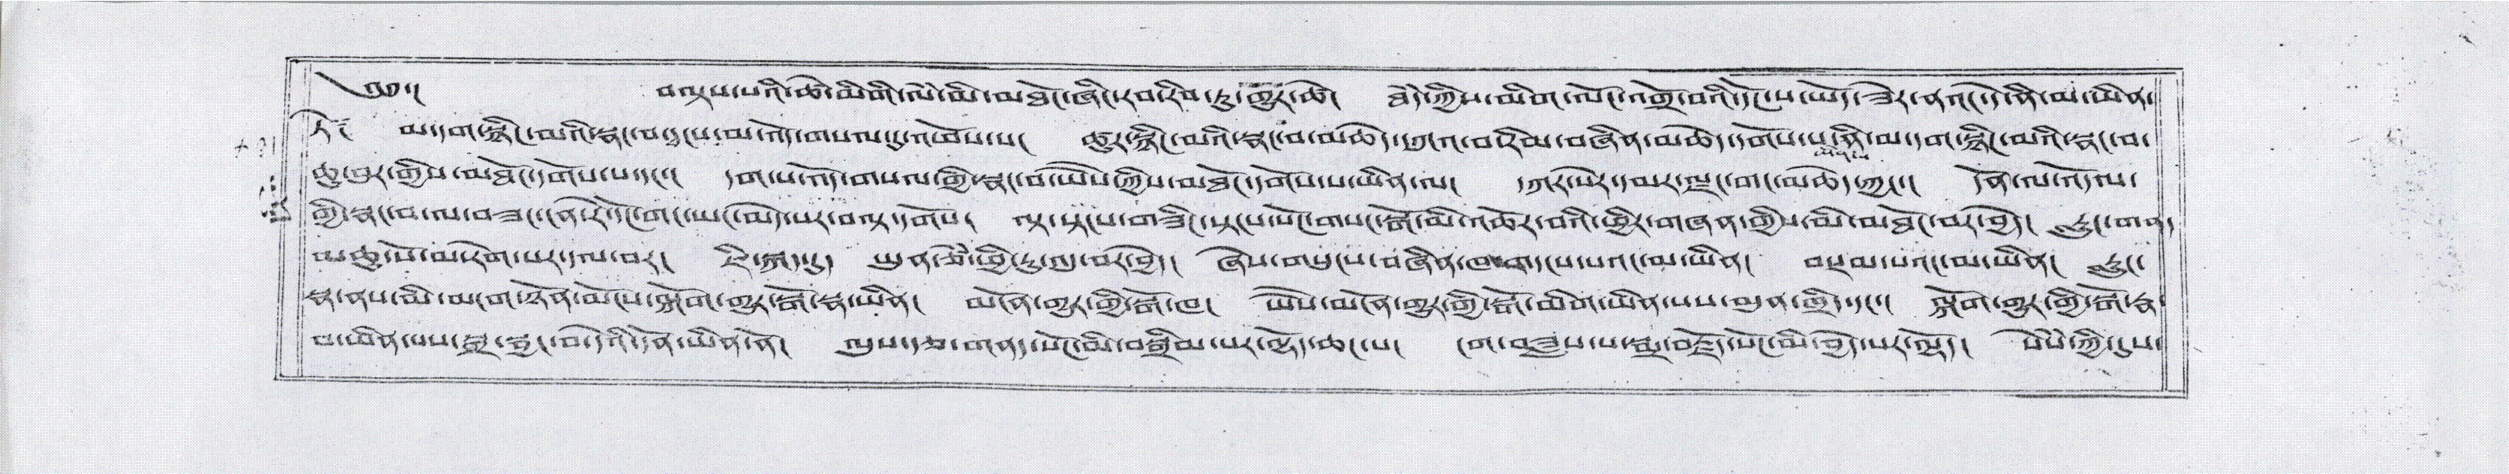བལྟས་པའི་ཚེ་མིག་གི་ལམ་མི་མཐོང་ཞིང་རབ་རིབ་ཏུ་གྱུར་ཚེ། ཐམས་ཅད་ཀྱིས་མིག་ལོང་འགྲོ་བའི་དོགས་པ་ཡོད་ཟེར་ནའང་དེ་ནི་མ་ཡིན་
ཏེ། མ་དག་སྙིགས་མའི་སྣང་བ་དྭངས་མ་འོད་གསལ་དུ་འཕོས་པ། ཚུར་སྙིགས་མའི་སྣང་བ་མཆེད་དཀའ་བ་རིམ་བཞིན་མཆེད་དགོས་པ་ཡིན་པ་ནི་མ་དག་སྙིགས་མའི་སྣང་བ་
ཆུ་བུར་གྱིས་མཐོང་དགོས་པ་དང། དག་པ་འོད་གསལ་གྱི་སྣང་བ་ཡེ་ཤེས་ཀྱིས་མཐོང་དགོས་པ་ཡིན་ལ། དཀར་སེར་དམར་ལྗང་གང་མཆེད་ཀྱང། དོན་ལ་འདོལ་
གྱི་སྣང་བ་ལ་བཟང་ངན་རེ་དོགས་གང་ཡང་མེད་པར་བལྟ་དགོས། ལྟ་སྟགས་གཟིགས་སྟགས་སོགས་གསང་སྒོ་མི་འཆོར་བའི་ཕྱིར་གཞན་གྱིས་མི་མཐོང་བར་བྱེད། རླུང་གནད་
མཆུ་སོ་མ་རེག་པར་དལ་བར། ཇི་སྐད་དུ། ཡན་ཙམ་ཕྱི་རུ་འདུ་བར་བྱེད། ཞེས་གསུངས་བཞིན་ཁ གདངས་པའང་མ་ཡིན། བསྡམ་པའང་མ་ཡིན། རླུང་
སྣ་ནས་མི་མངག་ཉོན་མོངས་ལྐོག་གྱུར་སྒོ་སྣ་ཡིན། མངོན་གྱུར་གྱི་སྒོ་ཁ། ཡེ་ཤེས་མངོན་གྱུར་གྱི་སྒོ་མིག་ཡིན་པས་མུན་ཁྲིད་དང། ལྐོག་གྱུར་གྱི་སྒོ་རྣ་
བ་ཡིན་པས་སྒྲ་སྦྱང་བ་དེའི་དོན་ཡིན་ནོ། ལུས་རྩ་གནས་སོགས་མི་བསྒྲིམ་པར་ལྷོད་ཆགས་པ། ངག་བཟླས་པ་སྨྲ་བརྗོད་སོགས་མི་བྱེད་པར་ལྷོད། སེམས་ཀྱི་དུས་